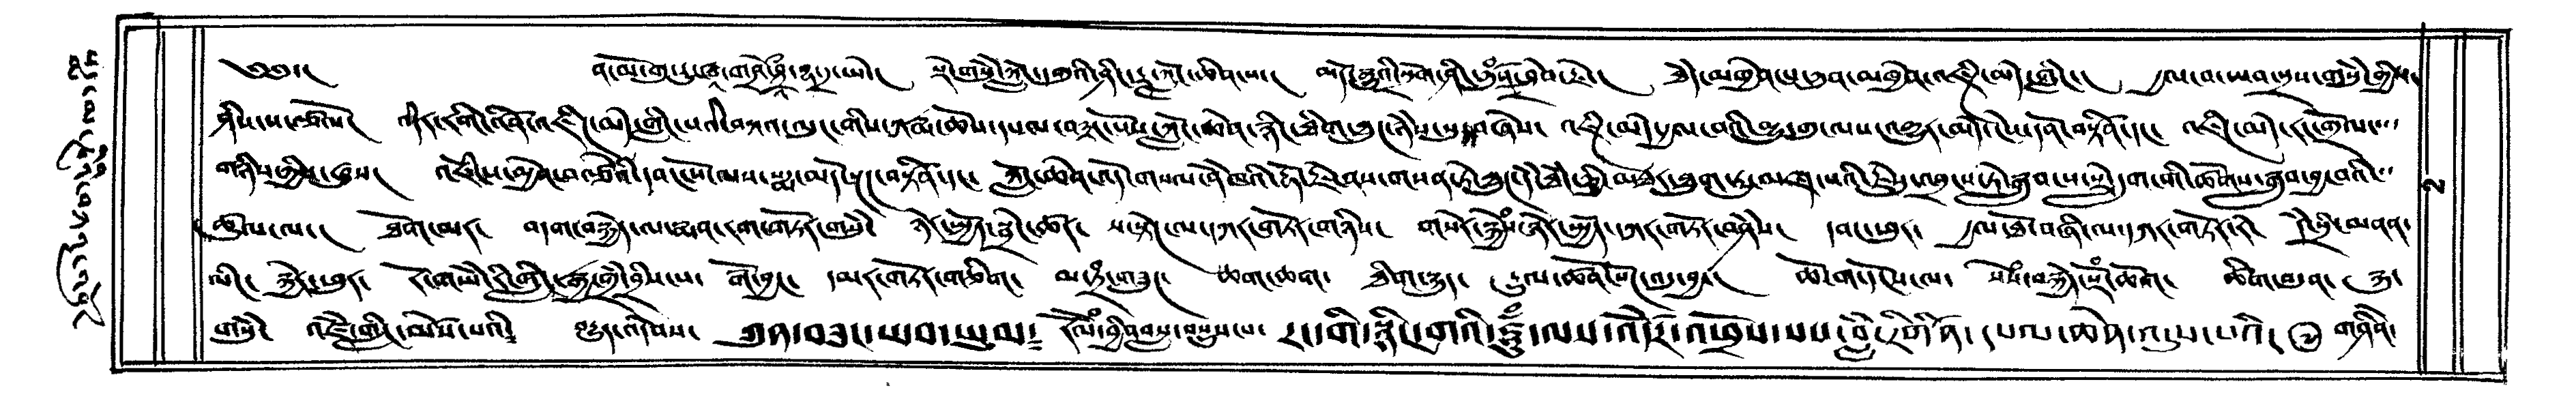ན་མོ་གུ་རུ་ཝཱ་གིནྡྲ་ཤྲཱི་བྷ་དྲ་ཡེ། སྡེ་གསུམ་ཀློང་དགུའི་ཤིང་རྟ་ཀློང་ཆེན་པ། །མདོ་སྒྱུའི་སྲོག་ཤིང་ཀུན་བཟང་ཤེས་རབ་རྗེ། །ཐམས་ཅད་མཁྱེན་པ་ཀུན་མཁྱེན་འཇིགས་མེད་གླིང་། །རྒྱལ་བ་ཡབ་སྲས་གསུམ་གྱིས་
ཤིས་པ་སྩོལ། །འདིར་རིག་འཛིན་འཇིགས་མེད་གླིང་པའི་བཀའ་ལུང་གིས་ཀརྨ་ཆོས་དཔལ་བཟང་པོས་ཀློང་ཆེན་སྙིང་ཐིག་ཐུགས་ཉམས་སུ་བཞེས། འཇིགས་མེད་རྒྱལ་བའི་མྱུ་གུ་ལས་འགྱུར་མེད་ངེས་དོན་བསྟན་འཛིན་དང་་འཇིགས་མེད་རང་གྲོལ་
གཉིས་ཀྱིས་ཞུས། འཇམ་དབྱངས་མཁྱེན་བརྩེ་དབང་པོ་ལས་པདྨ་མདོ་སྔགས་བསྟན་འཛིན་དང་ཀློང་ཆེན་འོད་གསལ་ནམ་མཁའི་རྡོ་རྗེ་གཉིས་ཀྱིས་གསན་ཏེ་ཐུགས་དམ་ཐམས་ཅད་ཀྱི་མཐར་ཐུག་ཏུ་མཛད་པའི་རྗེས་སུ་འབྲངས་ཏེ་སྒྲུབ་པ་སྡེ་དྲུག་གི་ཚོགས་སྒྲུབ་བྱ་བའི་
ཚུལ་ལ། ཐོག་མར། བདག་བསྐྱེད་ལ་སྨན་རག་གཏོར་གསུམ། ཉེར་སྤྱོད་སྦྲེང་ཚར། ས་སྟེགས་ལ་དཀར་གཏོར་གཉིས། གསེར་སྐྱེམས་ཉེར་སྤྱོད་དཀར་གཏོར་བཤམ། དབང་ཕུར། རྒྱལ་ཐོ་བཞི་ལ་དཀར་གཏོར་རེ། དམ་སྲི་མནན་
ལིང་། སྐྱེར་ཕུར། རོ་གཡམ་རི་གླིང་རྒྱ་གྲམ་བྲིས་པ། སྒོ་བྱང་། དམར་གཏོར་གཅིག མ་ཏྲཾ་གཟུགས། ཆག་ཆག ཐིག་སྐུད། རྡུལ་ཚོན་སོགས་འདུ་བྱ། ཆོ་ག་དངོས་ལ། སེམས་བསྐྱེད་སྡོམ་ཆོག། ཚིག་བདུན། སྐུ་
གསུམ། འཛམ་གླིང་མཛེས་པའི། བརྒྱུད་འདེབས། ཀུན་བཟང་ཡབ་ཡུམ༴ རོལ་མོ་བྱིན་རླབས་བསྡུས་པ། རག་གི་སྙིང་གའི་ཧཱུྃ་ལས་འོད་ཟེར་འཕྲོས་པས་བླ་མ་རིག་འཛིན་དཔལ་ཆེན་འདུས་པའི་གཤིན་རྗེ་